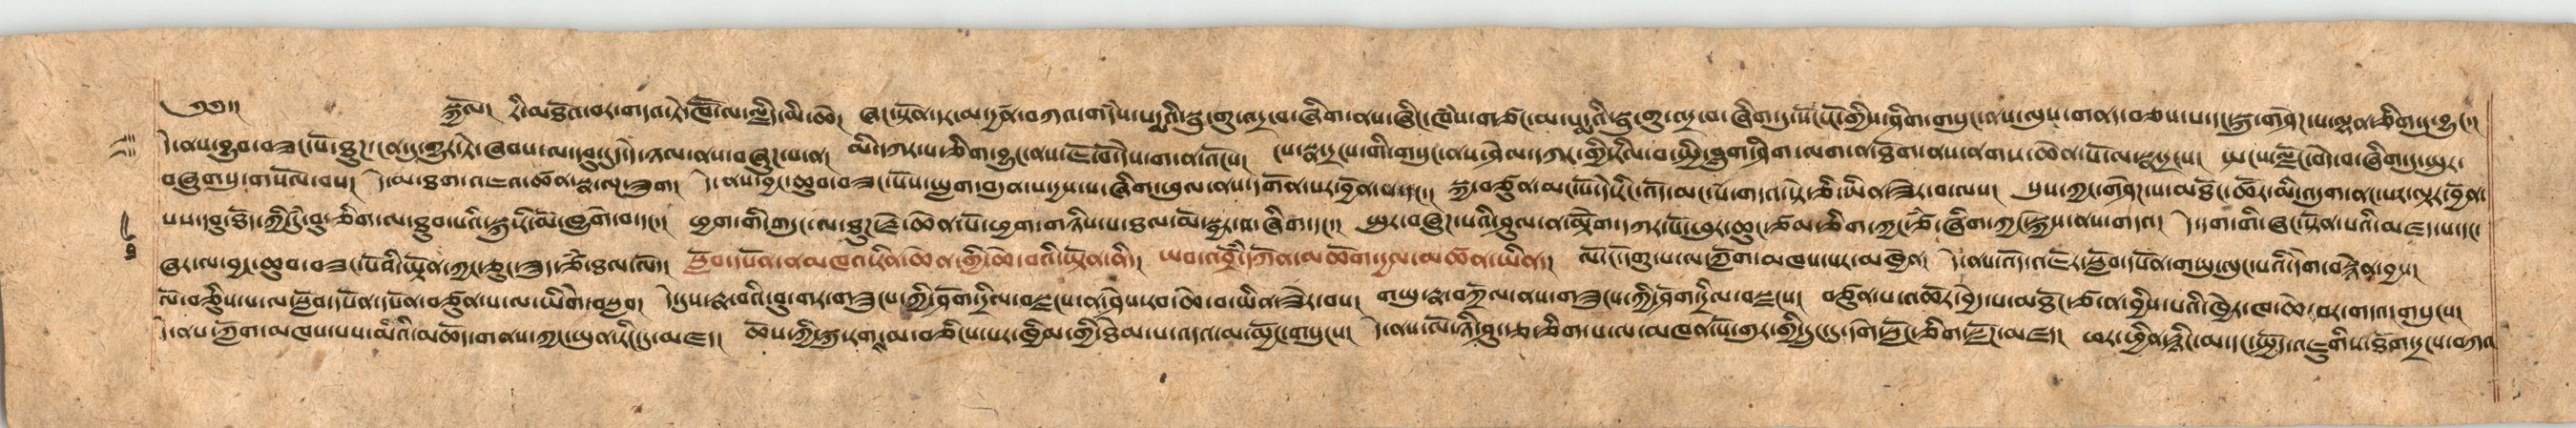༄༅་། སྐྱོལ། རི་མཐོ་བར་གདའ་ཏེ་ཁཽ་ལ་ལྗིད་མི་ཆེ། ཞང་སྟོན་དར་མ་དྱཚན་བཀའ་གདཾས་པདྨའི་སྦུ་གུ་འདྲ་བ་ཞིག་ནས་ཞིང་ཁཾས་གཙང་མ་པདྨའི་སྦུ་གུ་འདྲ་བ་ཞིག་དུ་སོང་ངོ་གྱིས་ཤིག་གསུང་ནས་ལུས་གནད་བཅས་པ་དང་སྐུ་གཤེཌ་པ་ལྷན་ཅིག་དུ་བྱུང་།
དེ་ནས་བྱུབ་བཟང་པོ་ཐུཌ་ངན་དུ་གྱུར་ཏེ་ཞབས་ལ་དབུ་དུད་དེ་ཉལ་ནས་བཞུཌ་པ་ན། མི་དཀར་པ་ཅིག་བྱུང་ནས་ཇོ་བོ་དེས་ག་ན་འོངས། ངས་སྣ་དྲངས་གི་གསུང་ནས་ཤེལ་དཀར་གྱི་རིལ་བ་སྤྱི་བླུག་ཤིག་ལག་ན་ཐོག་ནས་ནགས་ཆེན་པོ་ལ་སྣ་དྲངས། སྤངས་ལྗོང་བདེ་བ་ཞིག་དུ་སྤུར་
བཞུགསུ་གསོལ་བས། དེ་མ་ཐག་འཇའ་ཚན་སྣ་ལྔ་ཟུག། དེ་ནས་བྱང་ཆུབ་བཟང་པོས་ཡླག་བདུན་པ་དྱས་པ་ཞིག་ཕུལ་ནས་དགོན་པར་བྱོན་པ་དང་། སྐྱ་བཙུན་མང་པོ་དེ་རིང་འོད་མང་པོ་གདའ་སྟེ་ཅི་ཡིན་ཟེར་བ་ལས། སུས་ཀྱང་གཤེཌ་པ་མཐོང་ཚོར་མི་འདུག་ནང་པར་ལྟར་བྱོན་
པས་དབུ་ཐོད་ཀྱི་དུཾ་བུ་ཅིག་ལ་ཐུབ་པའི་སྐུ་རི་མོ་ཁྱུགེ་བ་དང་། ཕྱག་གི་གདུང་ལ་ཐུཌ་རྗེ་ཆེན་པོ་ཕྱག་གཉིས་པ་ཐལ་མོ་སྦྱར་བ་ཞིག་དང་། སྤུར་བཞུཌ་པའི་ཤུལ་ན་མྟེགོ་དཀར་པོ་ཕུར་ཆུང་ཙཾ་ཅིག་ཀྱང་ཙཾ་ཞིག་ཀྱང་སྐྱེས་ནས་གདའ། དེ་དག་གི་ཞང་སྟོན་པའི་མཛད་པ་དང་
ཞར་ལ་བྱང་ཆུབ་བཟང་པོའི་ཡྟོན་ཀྱང་ཅུང་ཟུད་ཙཾ་ཐལ་ལོ་། སློབ་དཔོན་ནམཁའ་རིན་ཆེན་གྱི་ཆེ་བའི་ཡྟོན་ནི་། ཡབ་འབྲོཾ་དཀོན་མཆོག་དྱལ་མཚན་ཡིན་། ལོ་ངོ་དགུ་པ་ལ་ཀློག་མཁས་པར་མཁྱེན། དེ་ནས་འདོ་འཇོར་སློན་དཔོན་གཡུ་ལུང་པའི་དགེ་བསྙེན་བྱས།
ལོ་བཅིུས་པ་ལ་སློབ་དཔོན་དཔོན་བཙུན་པ་ལ་ཡིགེ་བསླབ། དེ་དུས་རྣ་བའི་བུ་གར་གཟུངས་ཀྱི་ཤོག་དྲིལ་བསྫངས་ན་ཤེས་རབ་ཆེ་བ་ཡིན་ཟེར་བས། གཡུ་རྣ་བཀྲྲོལ་ནས་གཟུངས་ཀྱི་ཤོག་དྲིལ་བསྫངས། བཙུན་པ་འཆོར་བྱེད་པ་མཐོང་ཙ་ན་བྱིས་པའི་ཁྱེར་ཁ་ཆེ་བར་གདའ་གསུངས།
དེ་ནས་ཀློག་མཁས་པས་མིའི་མཆོད་གནས་ཀྱང་ཡུན་རིང་དུ་མཛད། ཆོས་ཀྱི་སྐུ་རགས་མ་བཅིངས་པར་ཁྱིམ་གྱི་ཐེམ་པ་འདའ་མ་མྱོང་གསུངས། དེ་ནས་ལོ་ཉི་ཤུ་རྩ་ཅིག་པ་ལ་མཁན་པོ་གུར་གྱི་དྲུང་དུ་དགེ་སློང་ཅིག་སྫོཌ་མཛད། ཕར་ཕྱིན་རྙིང་མ་དང་སྤྱོད་འཇུགིས་ཐོག་དྲངས་བཀའ་